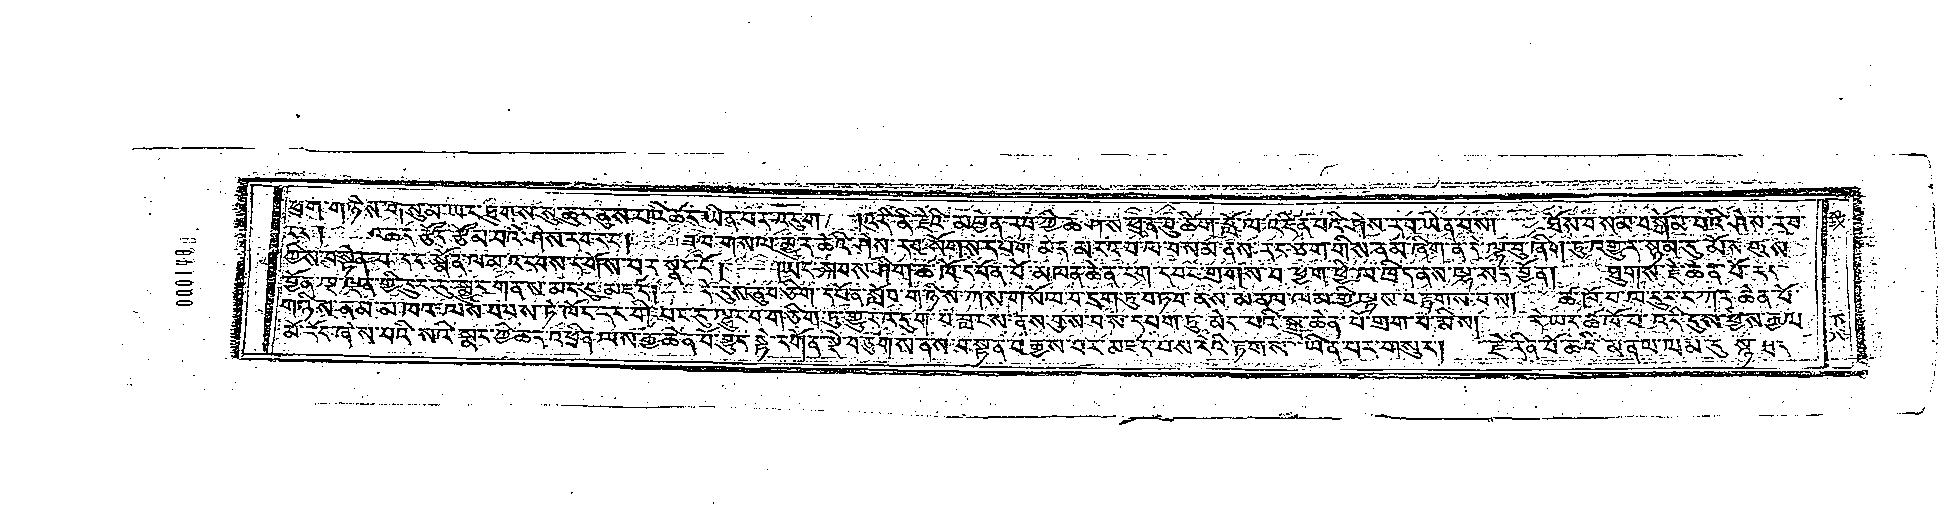ཕྲག་གཉིས་གསུམ་ཡང་ཐུགས་སུ་ཆུད་ནུས་པའི་ཚང་ཡིན་པར་འདུག །འདི་ནི་རྗེའི་མཁྱེན་རབ་ཀྱི་ཆ་ཤས་ཕྲན་བུ་ཚིག་བློ་ལ་འཛིན་པའི་ཤེས་རབ་ཡིན་པས། ཐོས་བསམ་བསྒོམ་པའི་ཤེས་རབ་
དང་། འཆང་རྩོད་རྩོམ་པའི་ཤེས་རབ་དང་། ཟབ་གསལ་མྱུར་ཆེའི་ཤེས་རབ་སོགས་དཔག་མེད་མངའ་བ་ལ་བསམ་ནས་རང་ཅག་གིས་ནམ་ཞིག་ན་དེ་ལྟ་བུ་ཞིག་ཏུ་འགྱུར་སྙམ་དུ་མོས་གུས་
ཀྱིས་བསྟེན་པ་དང་སྨོན་ལམ་འདེབས་དགོས་པར་སྣང་ངོ། །ཡང་སྐབས་ཤིག་ཚ་ལོ་དཔོན་པོ་མཁན་ཆེན་ངག་དབང་གྲགས་པ་ཕྱག་ཕྱི་མ་ཁྲིད་ནས་ལྷ་སར་བྱོན། ཐུགས་རྗེ་ཆེན་པོ་རང་
བྱོན་ལྔ་ལྡན་གྱི་དྲུང་དུ་སྨྱུང་གནས་མང་དུ་མཛད། དེ་དུས་ནུབ་ཅིག་དཔོན་སློབ་གཉིས་ཀས་གསོལ་བ་དྲག་ཏུ་བཏབ་ནས་མནལ་ལམ་གྱི་ལྟས་བརྟགས་པས། ཚ་ཁོ་བ་ལ་དུང་དཀར་ཆེན་པོ་
གཉིས་ནམ་མཁའ་ལས་བབས་ཏེ་ཁོང་རང་གི་པང་དུ་ལྷུང་བ་གཅིག་ཏུ་གྱུར་འདུག་པ་བླངས་ནས་བུས་པས་དཔག་ཏུ་མེད་པའི་སྒྲ་ཆེན་པོ་གྲག་པ་རྨིས། དེ་ཡང་ཚ་ཁོ་པ་འདི་དུས་ཕྱིས་རྒྱལ་
མོ་རོང་ཞེས་པའི་སའི་སྨད་གི་ཆར་འཕྲིན་ལས་རྒྱ་ཆེན་པོ་བྱུང་སྟེ་དགོན་སྡེ་བཙུགས་ནས་བསྟན་པ་རྒྱས་པར་མཛད་པས་དེའི་རྟགས་ཡིན་པར་གསུང་། རྗེ་རིན་པོ་ཆེའི་མནལ་ལམ་དུ་སྙ་ཐར་